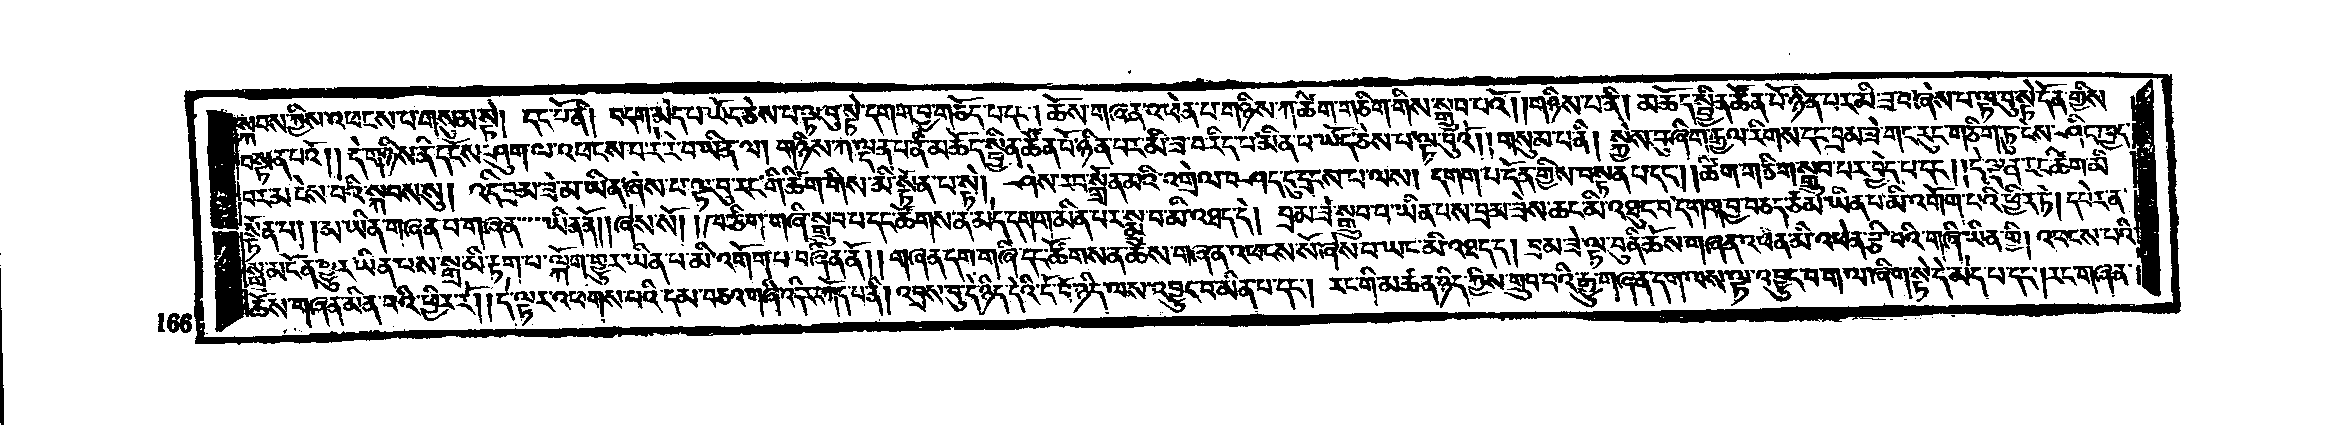སྐབས་ཀྱིས་འཕངས་པ་གསུམ་སྟེ། དང་པོ་ནི། བདག་མེད་པ་ཡོད་ཅེས་པ་ལྟ་བུ་སྟེ་དགག་བྱ་གཅོད་པ་དང་། ཆོས་གཞན་འཕེན་པ་གཉིས་ཀ་ཚིག་གཅིག་གིས་སྒྲུབ་པའོ། །གཉིས་པ་ནི། མཆོད་སྦྱིན་ཚོན་པོ་ཉིན་པར་མི་ཟ་བ་ཞེས་པ་ལྟ་བུ་སྟེ་དོན་གྱིས་
བསྟན་པའོ། །དེ་གཉིས་ནི་དངོས་ཤུགས་ལ་འཕངས་པ་རེ་རེ་བ་ཡིན་ལ། གཉིས་ཀ་ལྡན་པ་ནི་མཆོད་སྦྱིན་ཚོན་པོ་ཉིན་པར་མི་ཟ་བ་རིད་པ་མིན་པ་ཡོད་ཅེས་པ་ལྟ་བུའོ། །གསུམ་པ་ནི། སྐྱེས་བུ་ཞིག་རྒྱལ་རིགས་དང་བྲམ་ཟེ་གང་རུང་གཅིག་ཏུ་ངེས་ཤིང་ཁྱད་
པར་མ་ངེས་པའི་སྐབས་སུ། འདི་བྲམ་ཟེ་མ་ཡིན་ཞེས་པ་ལྟ་བུ་རང་གི་ཚིག་གིས་མི་སྟོན་པ་སྟེ། ཤེས་རབ་སྒྲོན་མའི་འགྲེལ་བཤད་དུ་དྲངས་པ་ལས། དགག་པ་དོན་གྱིས་བསྟན་པ་དང་། །ཚིག་གཅིག་སྒྲུབ་པར་བྱེད་པ་དང་། །དེ་ལྡན་རང་ཚིག་མི་
སྟོན་པ། །མ་ཡིན་གཞན་པ་གཞན་ཡིན་ནོ། །ཞེས་སོ། །ཁ་ཅིག་གཞི་སྒྲུབ་པ་དང་ཚོགས་ན་མེད་དགག་མིན་པར་སྨྲ་བ་མི་འཐད་དེ། བྲམ་ཟེ་སྒྲུབ་པ་ཡིན་པས་བྲམ་ཟེས་ཆང་མི་འཐུང་བ་དགག་བྱ་བཅད་ཙམ་ཡིན་པ་མི་འགོག་པའི་ཕྱིར་ཏེ། དཔེར་ན་
སྒྲ་མངོན་གྱུར་ཡིན་པས་སྒྲ་མི་རྟག་པ་ལྐོག་གྱུར་ཡིན་པ་མི་འགོག་པ་བཞིན་ནོ། །གཞན་དག་གཞི་དང་ཚོགས་ན་ཆོས་གཞན་འཕངས་སོ་ཞེས་པ་ཡང་མི་འཐད་དེ། བྲམ་ཟེ་ལྟ་བུ་ནི་ཆོས་གཞན་འཕེན་མི་འཕེན་རྩི་བའི་གཞི་ཡིན་གྱི། འཕངས་པའི་
ཆོས་གཞན་མིན་པའི་ཕྱིར་རོ། །དེ་ལྟར་འཕགས་པའི་དམ་བཅའ་གཞི་འདིར་བཀོད་པ་ནི། འབྲས་བུ་དེ་ཉིད་དེའི་ངོ་བོ་ཉིད་ལས་འབྱུང་བ་མིན་པ་དང་། རང་གི་མཚན་ཉིད་ཀྱིས་གྲུབ་པའི་རྒྱུ་གཞན་དག་ལས་ལྟ་འབྱུང་བ་ག་ལ་ཞིག་སྟེ་དེ་མེད་པ་དང་། རང་གཞན་